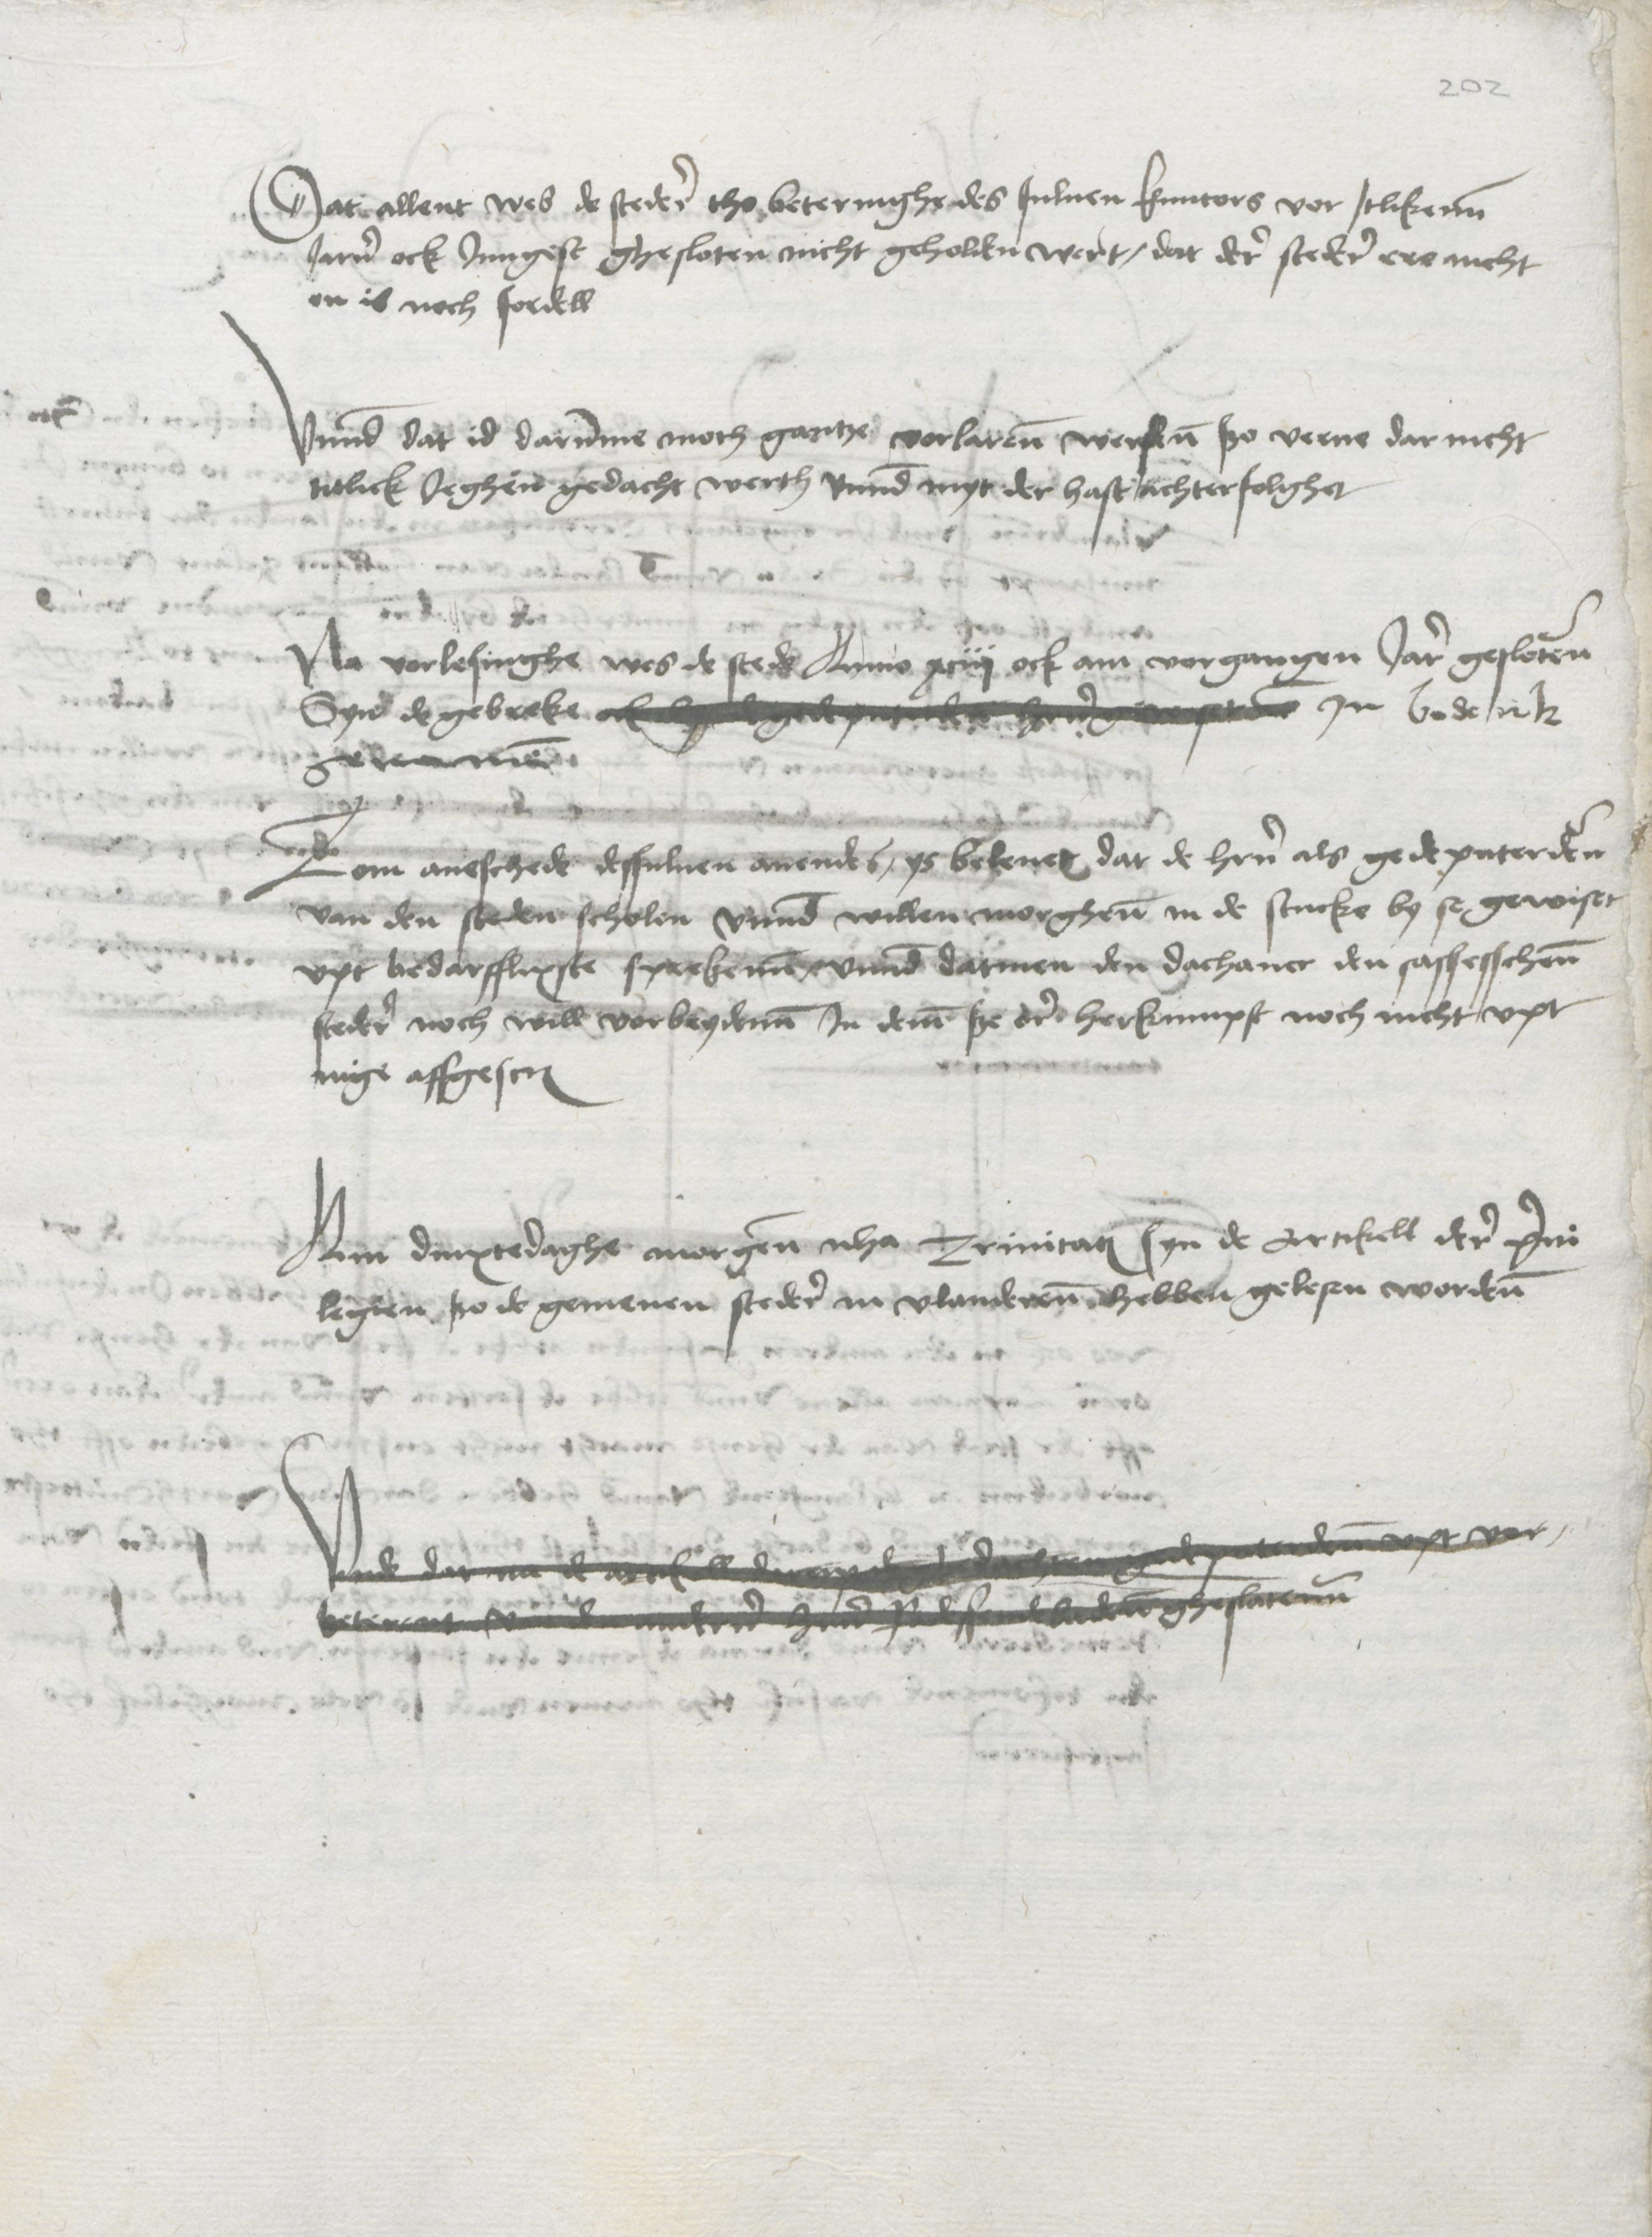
202
Dat allent wes de steder tho beteringhe des suluen kuntors vor Jtlikenne
Jarn ock Jungest ghesloten nicht geholden wert, dar der steder ere nicht
en is noch fordell.
Vnnde dat id darumme noch gantze vorlarenn werdenn so verne dar nicht
titlick Jeghen gedacht werth vnnde myt der hast achterfolghet.
Na vorlesinghe wes de stede Anno xciij ock am vorgangen Jar gestotenn
Syn de gebreke ock by der ghedeputerden heren gewiset Jn bode ik
geramen.
Tom aueschede dessuluen auendes, ys beleuet dat de heren als gedeputerden
van den steden scholen vnnde willen morghenn in de stucke by se gewiset
upt bedarfflixste sprekenne vnnde datmen den dachauer den sassesschenn
steder noch will vorbeydenne in deme se orer herkumpst noch nicht vpt
nige affgescreuen.
Am dinxtedaghe morgenn nha Trinitatis syn de artikell der priui¬
legien so de gemenen steder in Vlanderenn hebben gelesen wordenn
Vnde dat na de artikell darup de ghedachten gedeputerdenn vpt vor¬
beterent van den anderen zen Radessendebodenn gheslatenne
